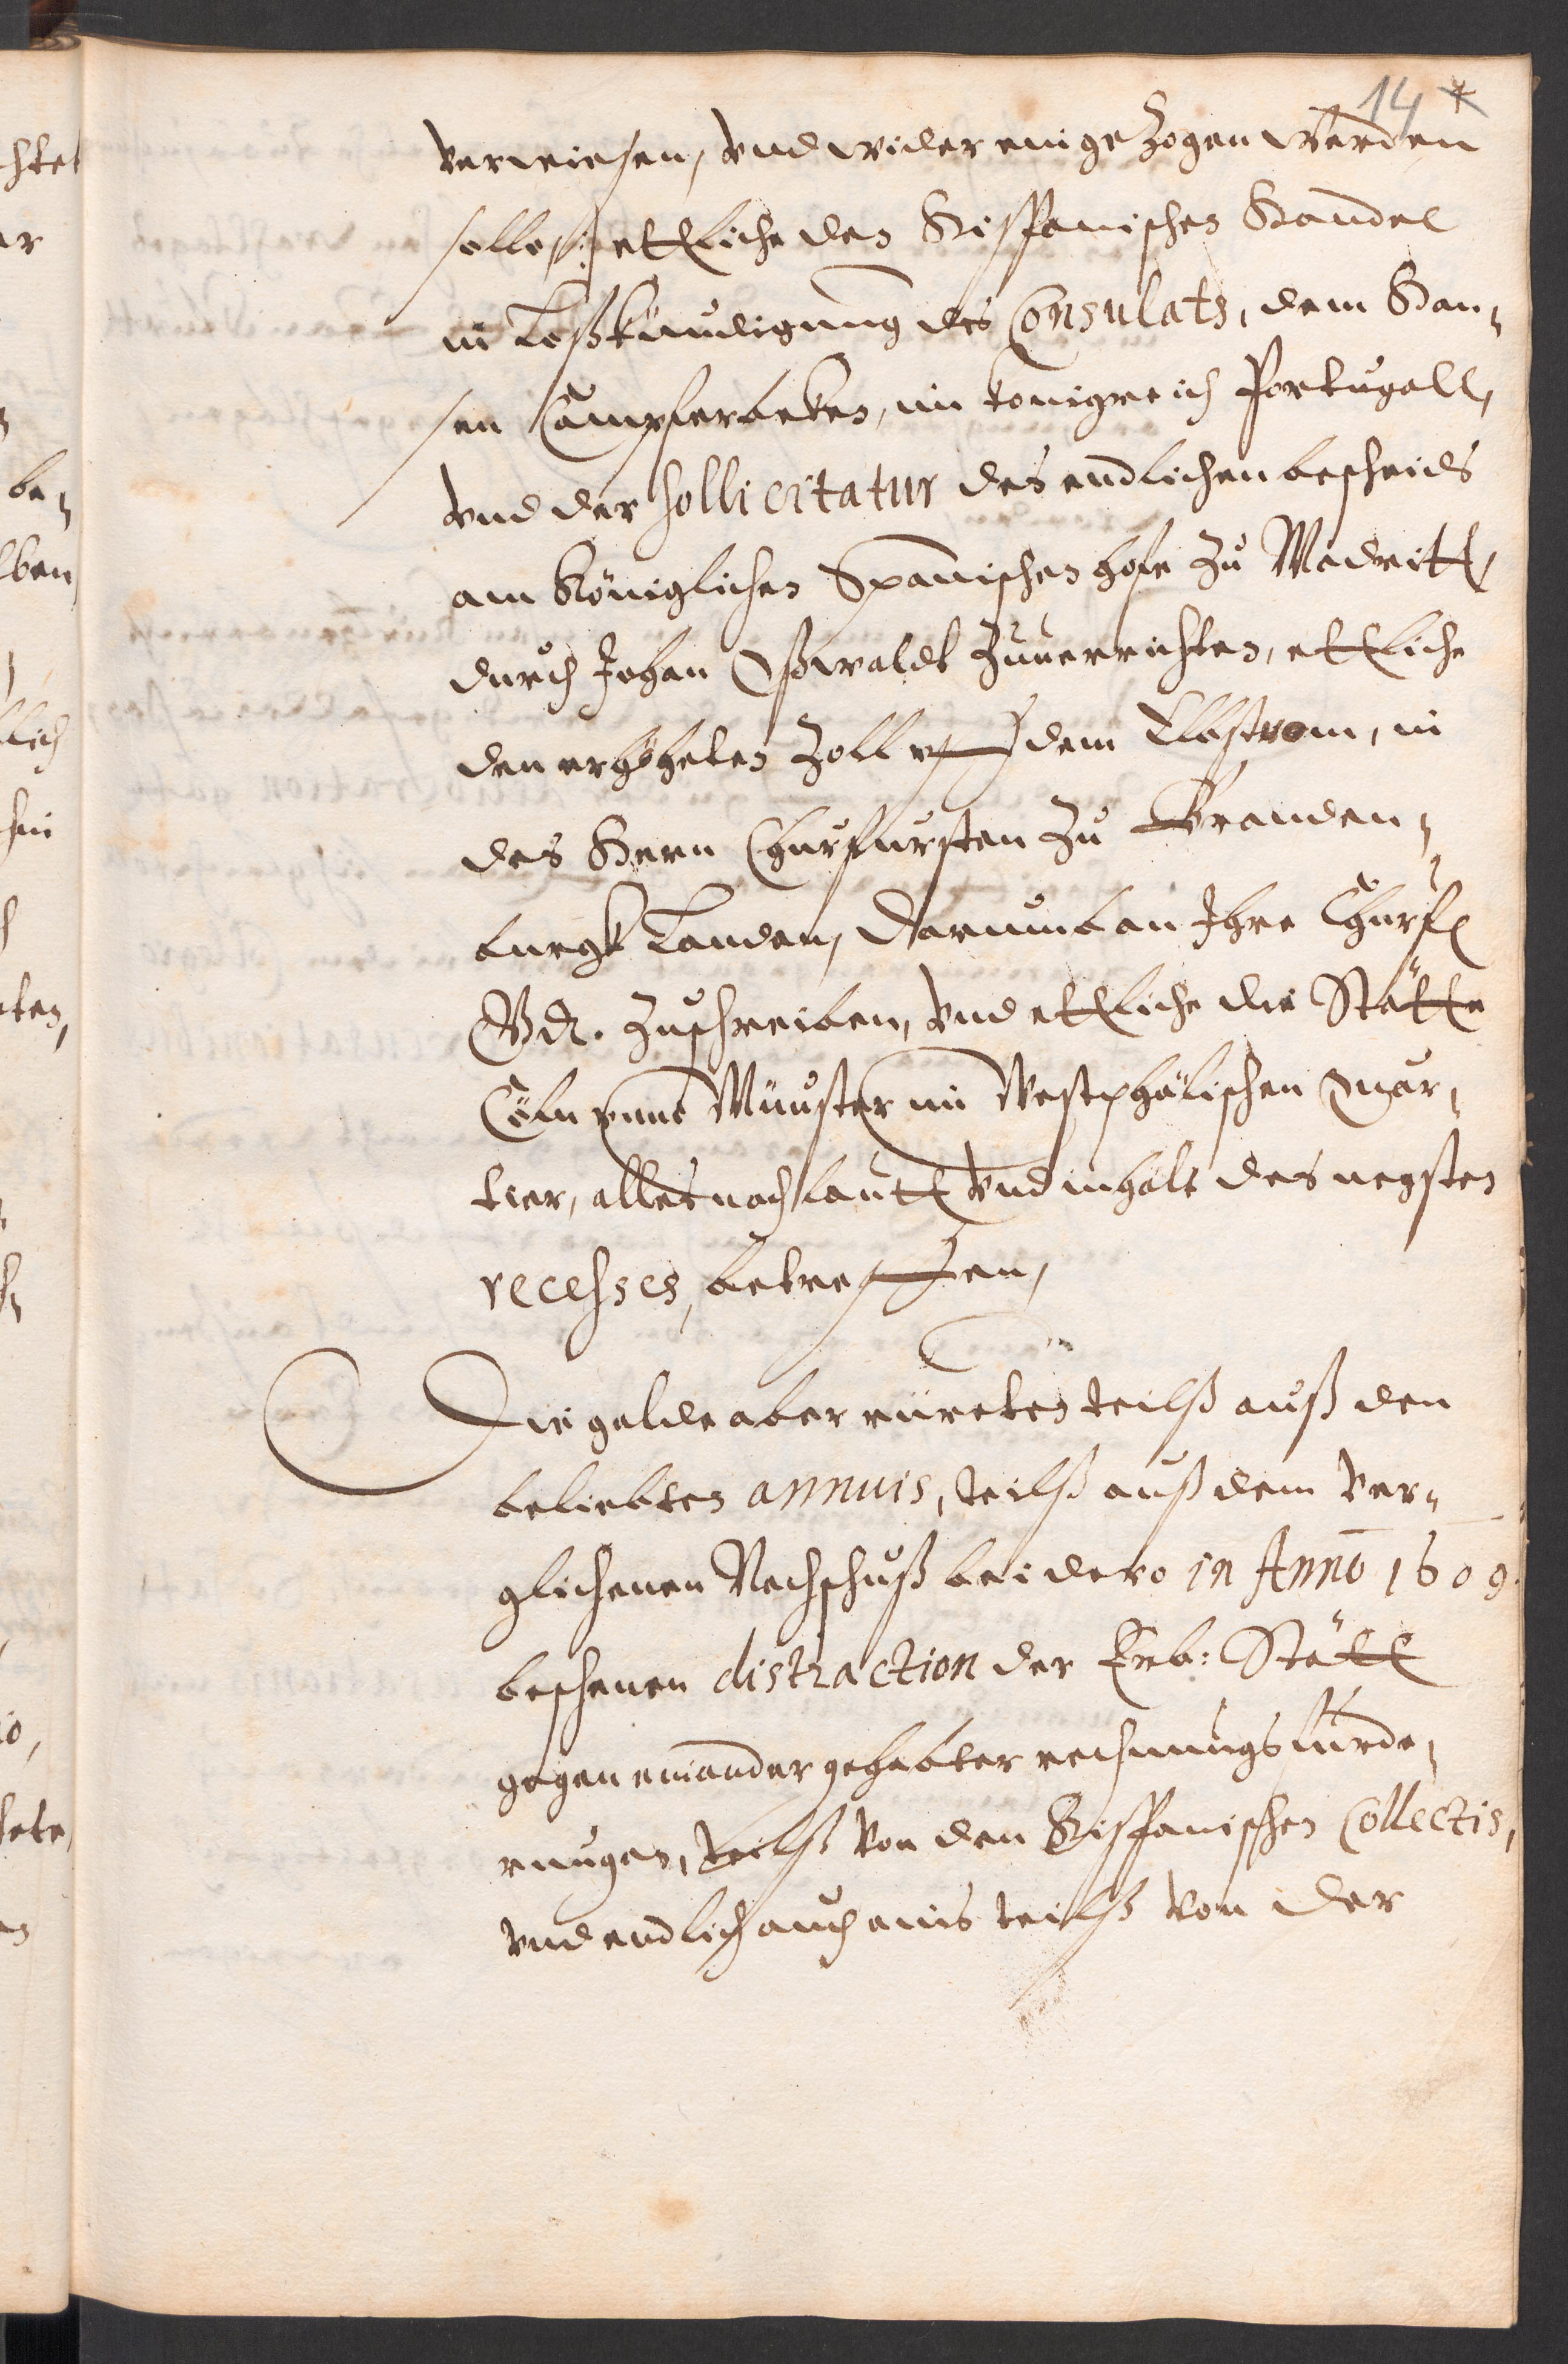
verwiesen, vnd wider eingezogen werden
solle, :| ettliche den Hispanischen Handel
in Loßkündigung des Consulats, dem Han¬
sen Campferbeken, im konigreich Portugall,
vnd der sollicitatur des endlichen bescheids
am Königlichen Spanischen hofe zu Madritt,
durch Johan Oßwaldt zuuerrichten, ettliche
den erhöheten zoll vff dem Elbstrom, in
des Hern Churfursten zu Branden¬
burgk Landen, darumb an Ihre Churfl
Gd. zuschreiben, vnd ettliche die Stätte
Cöln vnnd Münster im Westphälischen Quar¬
tier, alles nach lautt vnd inhalt des negsten
recesses betreffen,
Die gelde aber rüreten teilß auß den
beliebten annuis, teilß auß dem ver¬
glichenen Nachschuß bei dero in Anno 1609
beschenen distraction der Erb: Stätt
gegen einander gehabter rechnungs furde¬
rungen, teilß von den Hispanischen Collectis,
vnd endlich auch eins teilß von der
